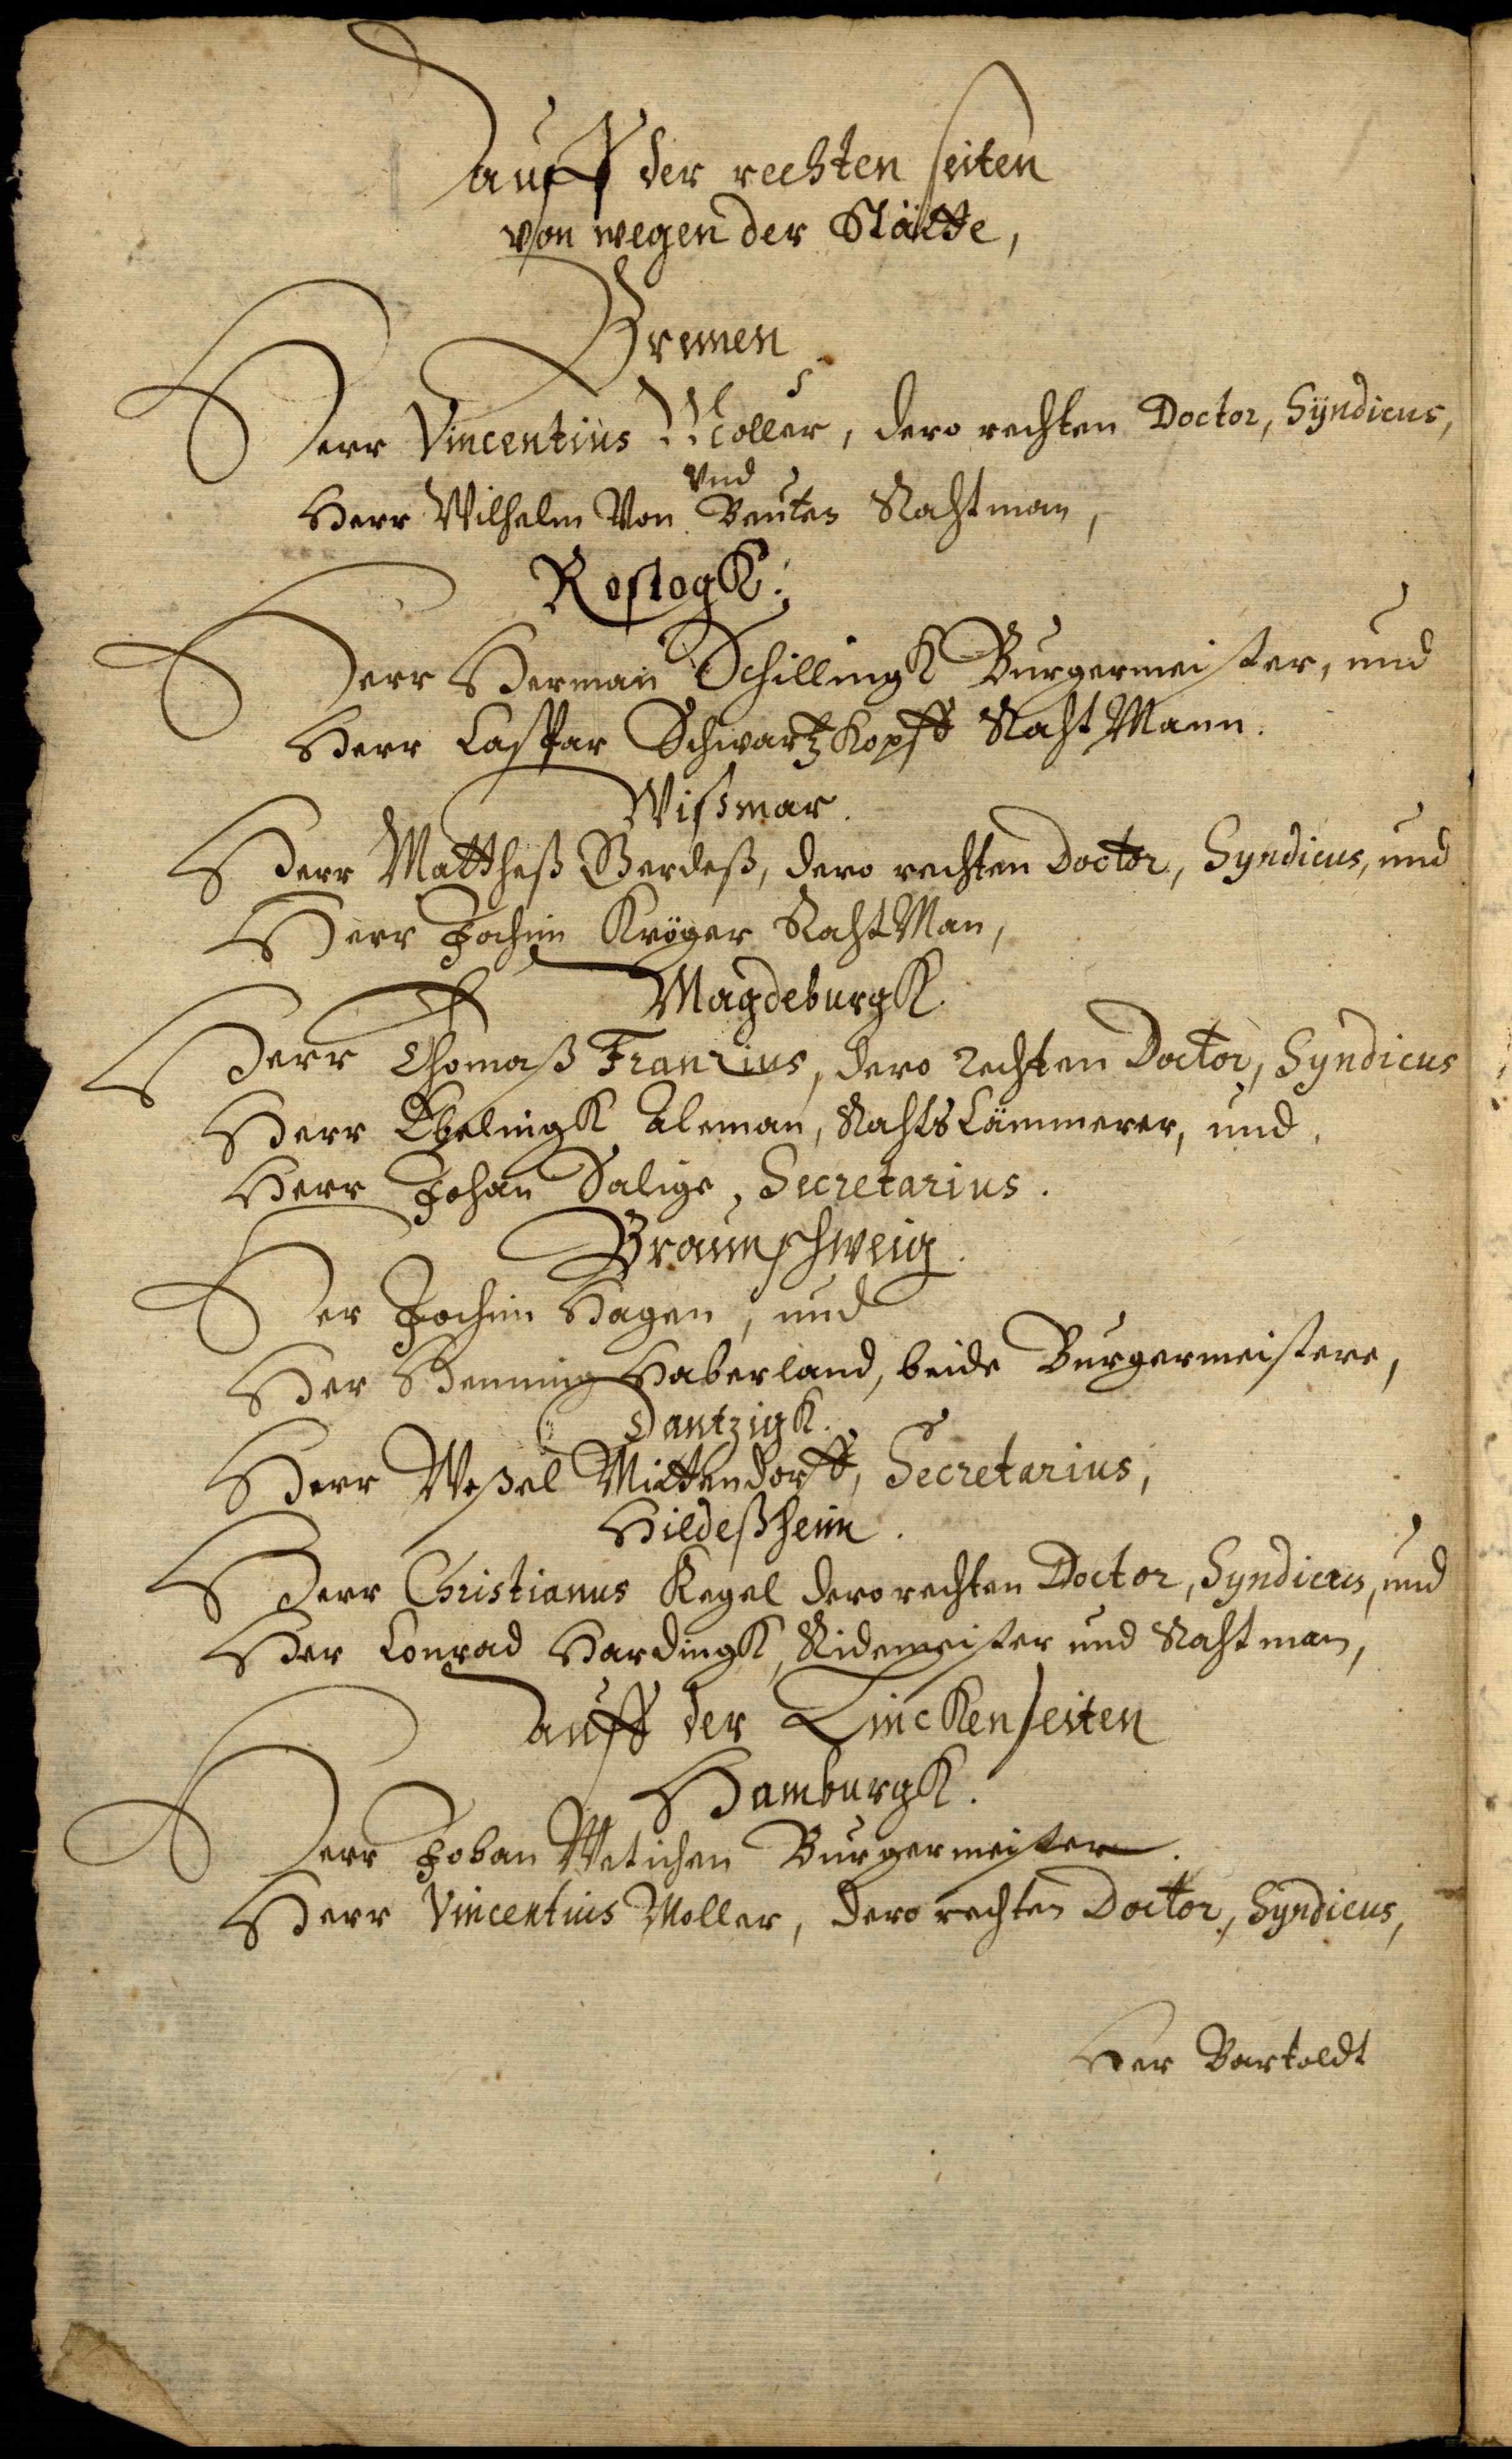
Auff der rechten seiten
von wegen der Stätte,
Bremen,
Herr Vincentius Moller, dero rechten Doctor, Sijndicus,
vnd
Herr Wilhelm Von Beuten Rahtman,
Rostogk:
Herr Herman Schillingk Burgermeister, und
Herr Caspar Schwartzkopff Raht Mann.
Wißmar.
Herr Mattheß Gerdeß, dero rechten Doctor, Syndicus, und
Herr Jochim Kröger RahtMan,
Magdeburgk
Herr Thomaß Francius, dero rechten Doctor, Syndicus
Herr Ebelingk Aleman, Rahts Cämmerer, und
Herr Johan Salige, Secretarius.
Braunschweig.
Her Jochim Hagen, und
Her Henning Haberland, beide Burgermeistere,
Dantzigk.
Herr Weßel Mitttendorff, Secretarius,
Hildeßheim.
Herr Christianus Kegel dero rechten Doctor, Syndicus, und
Her Conrad Hardingk, Ridemeister und Rahtman,
Auff der Lincken seiten
Hamburgk.
Herr Johan Metichen Burgermeister
Herr Vincentius Moller, dero rechten Doctor, Syndicus,
Her Bartoldt
